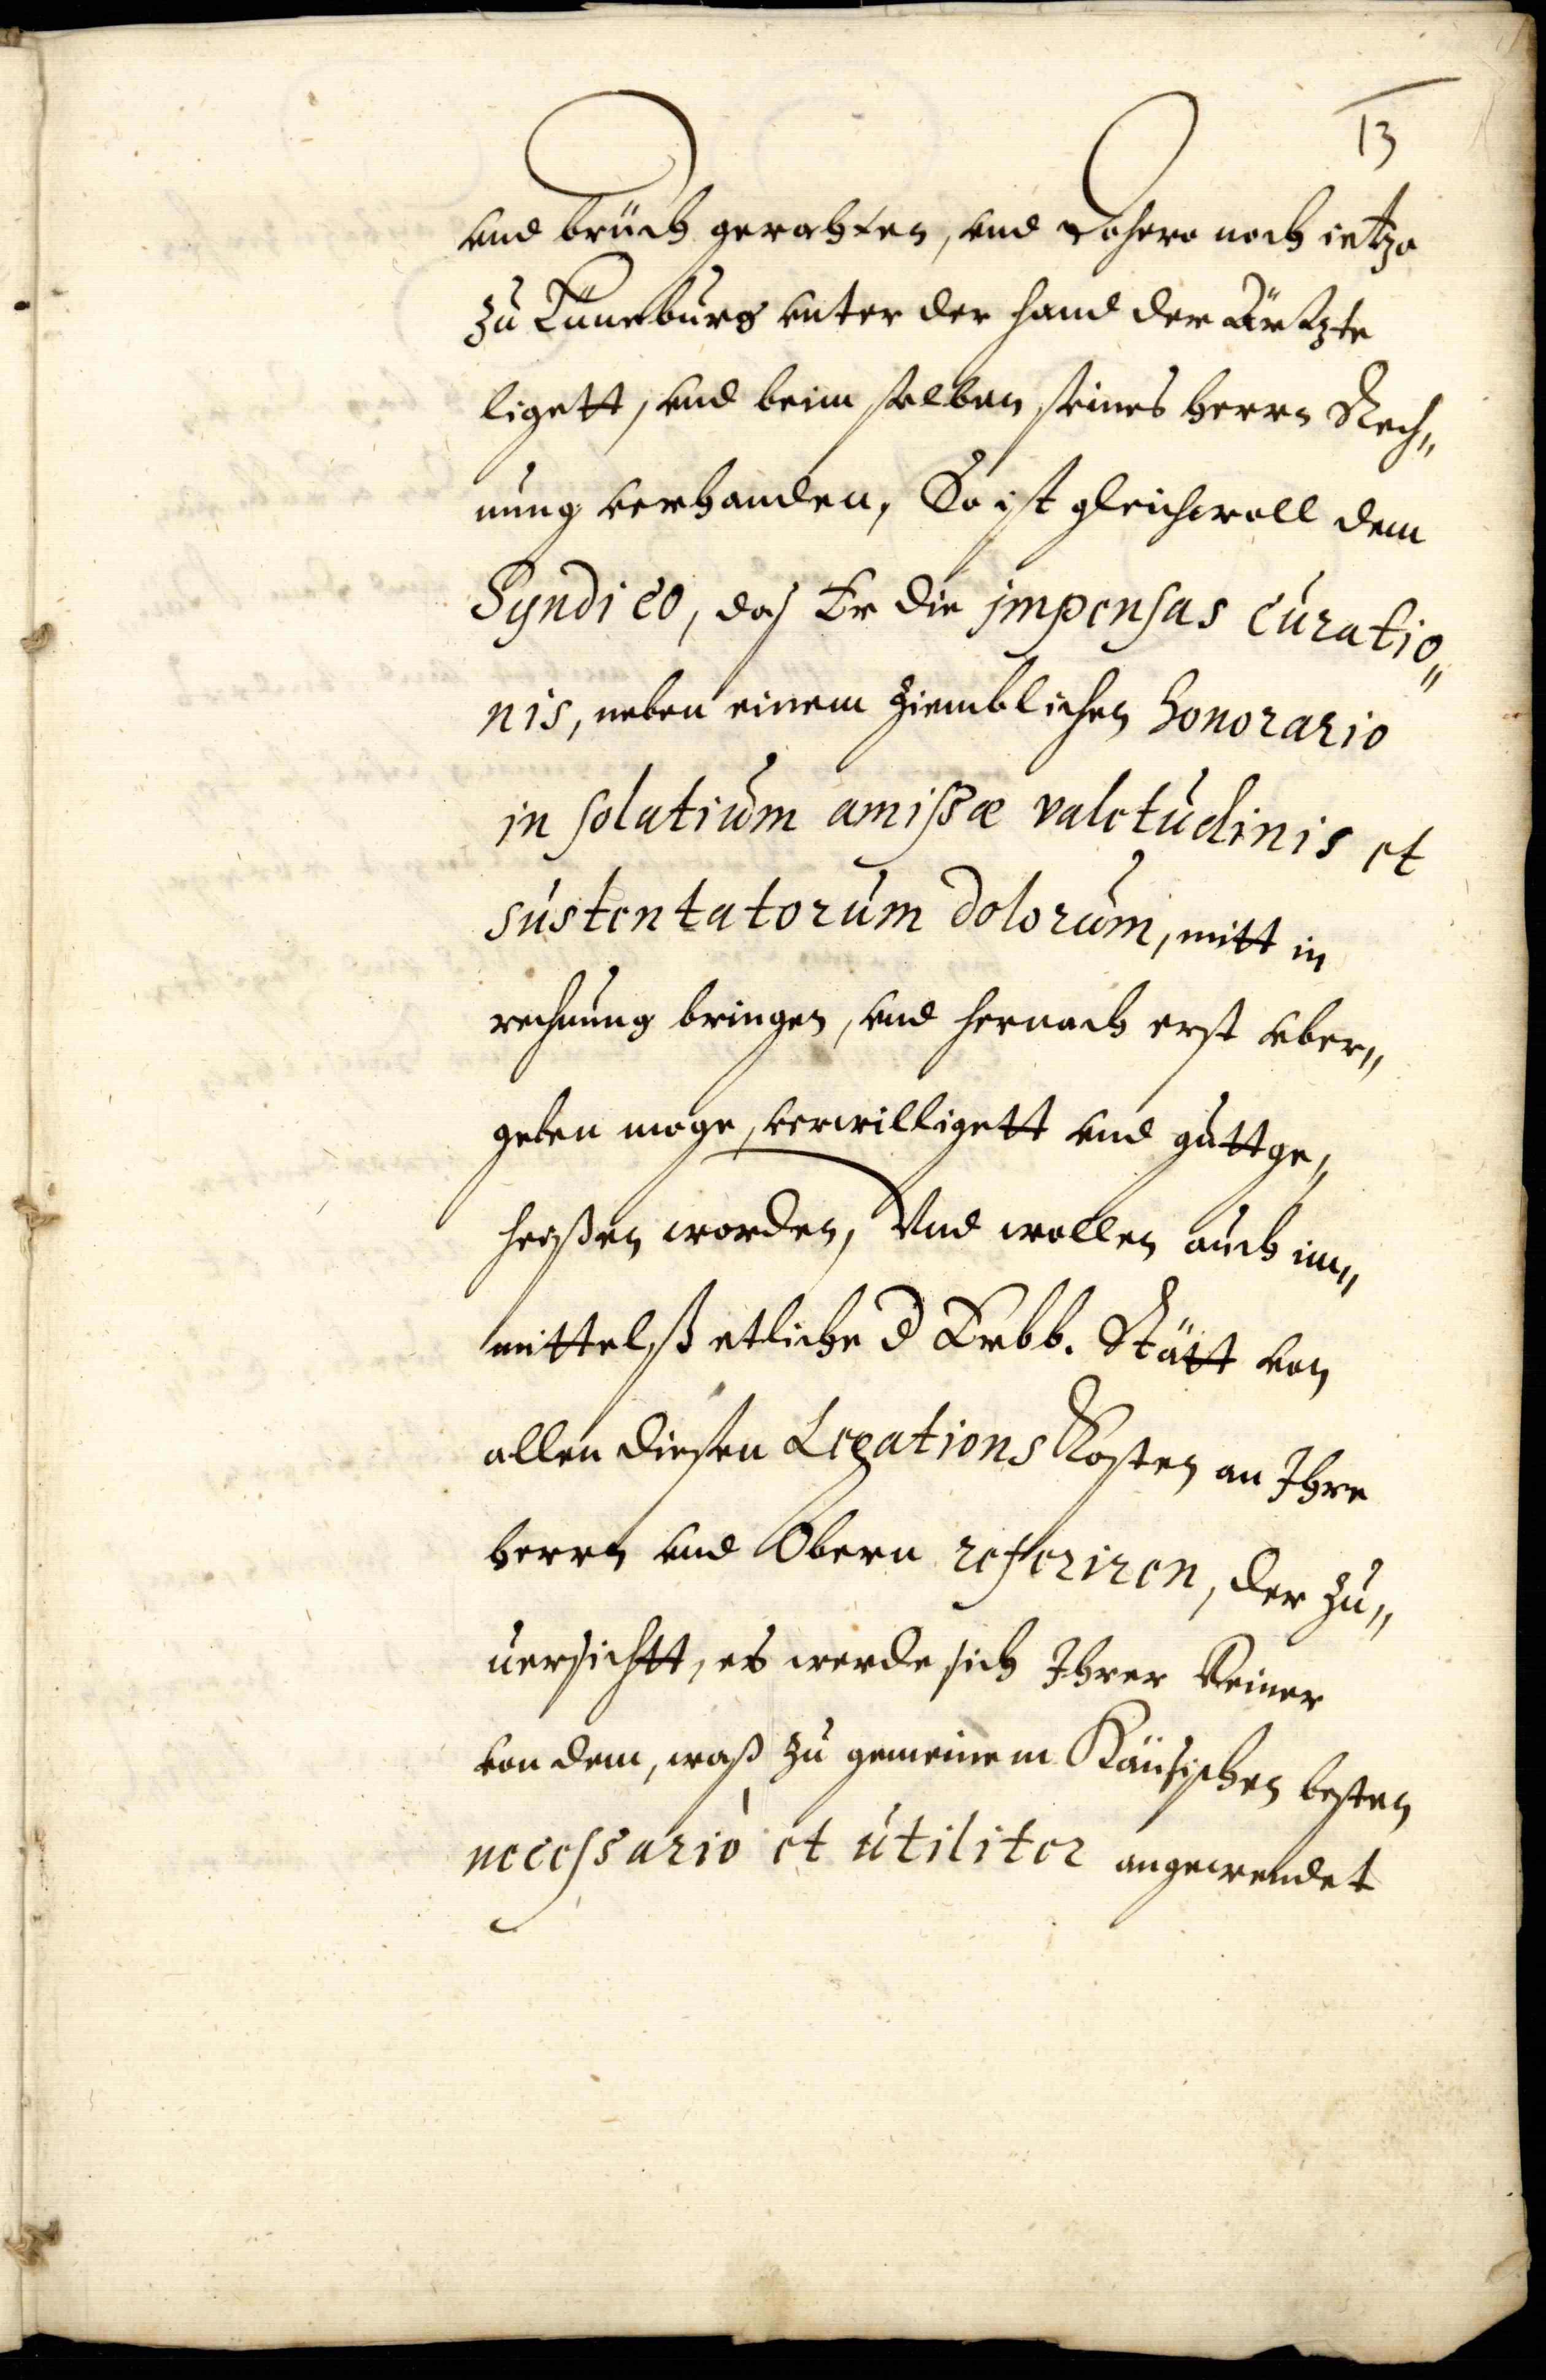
13
vnd brüch gerahten, vnd Dahero noch ietzo
zu Lüneburg vnter der hand der Ärtzte
ligett, vnd beim selben seines herrn Rech¬
nung verhanden, So ist gleichwoll dem
Syndico, daß Er die impensas curatio¬
nis, neben einem ziemblichen honorario
in solatium amißae valetudinis et
sustentatorum dolorum, mitt in
rechnung bringen, vnd hernach erst vber¬
geben moge, verwilligett vnd guttge¬
heißen worden, Vnd wollen auch im¬
mittelß etliche der Erbb. Stätt von
allen diesen Legations Kosten an Ihre
herrn vnd Obern referiren, der zu¬
uersichtt, es werde sich Ihrer keiner
von dem, waß zu gemeinem Hänsischen besten
necessario et utiliter angewendet
